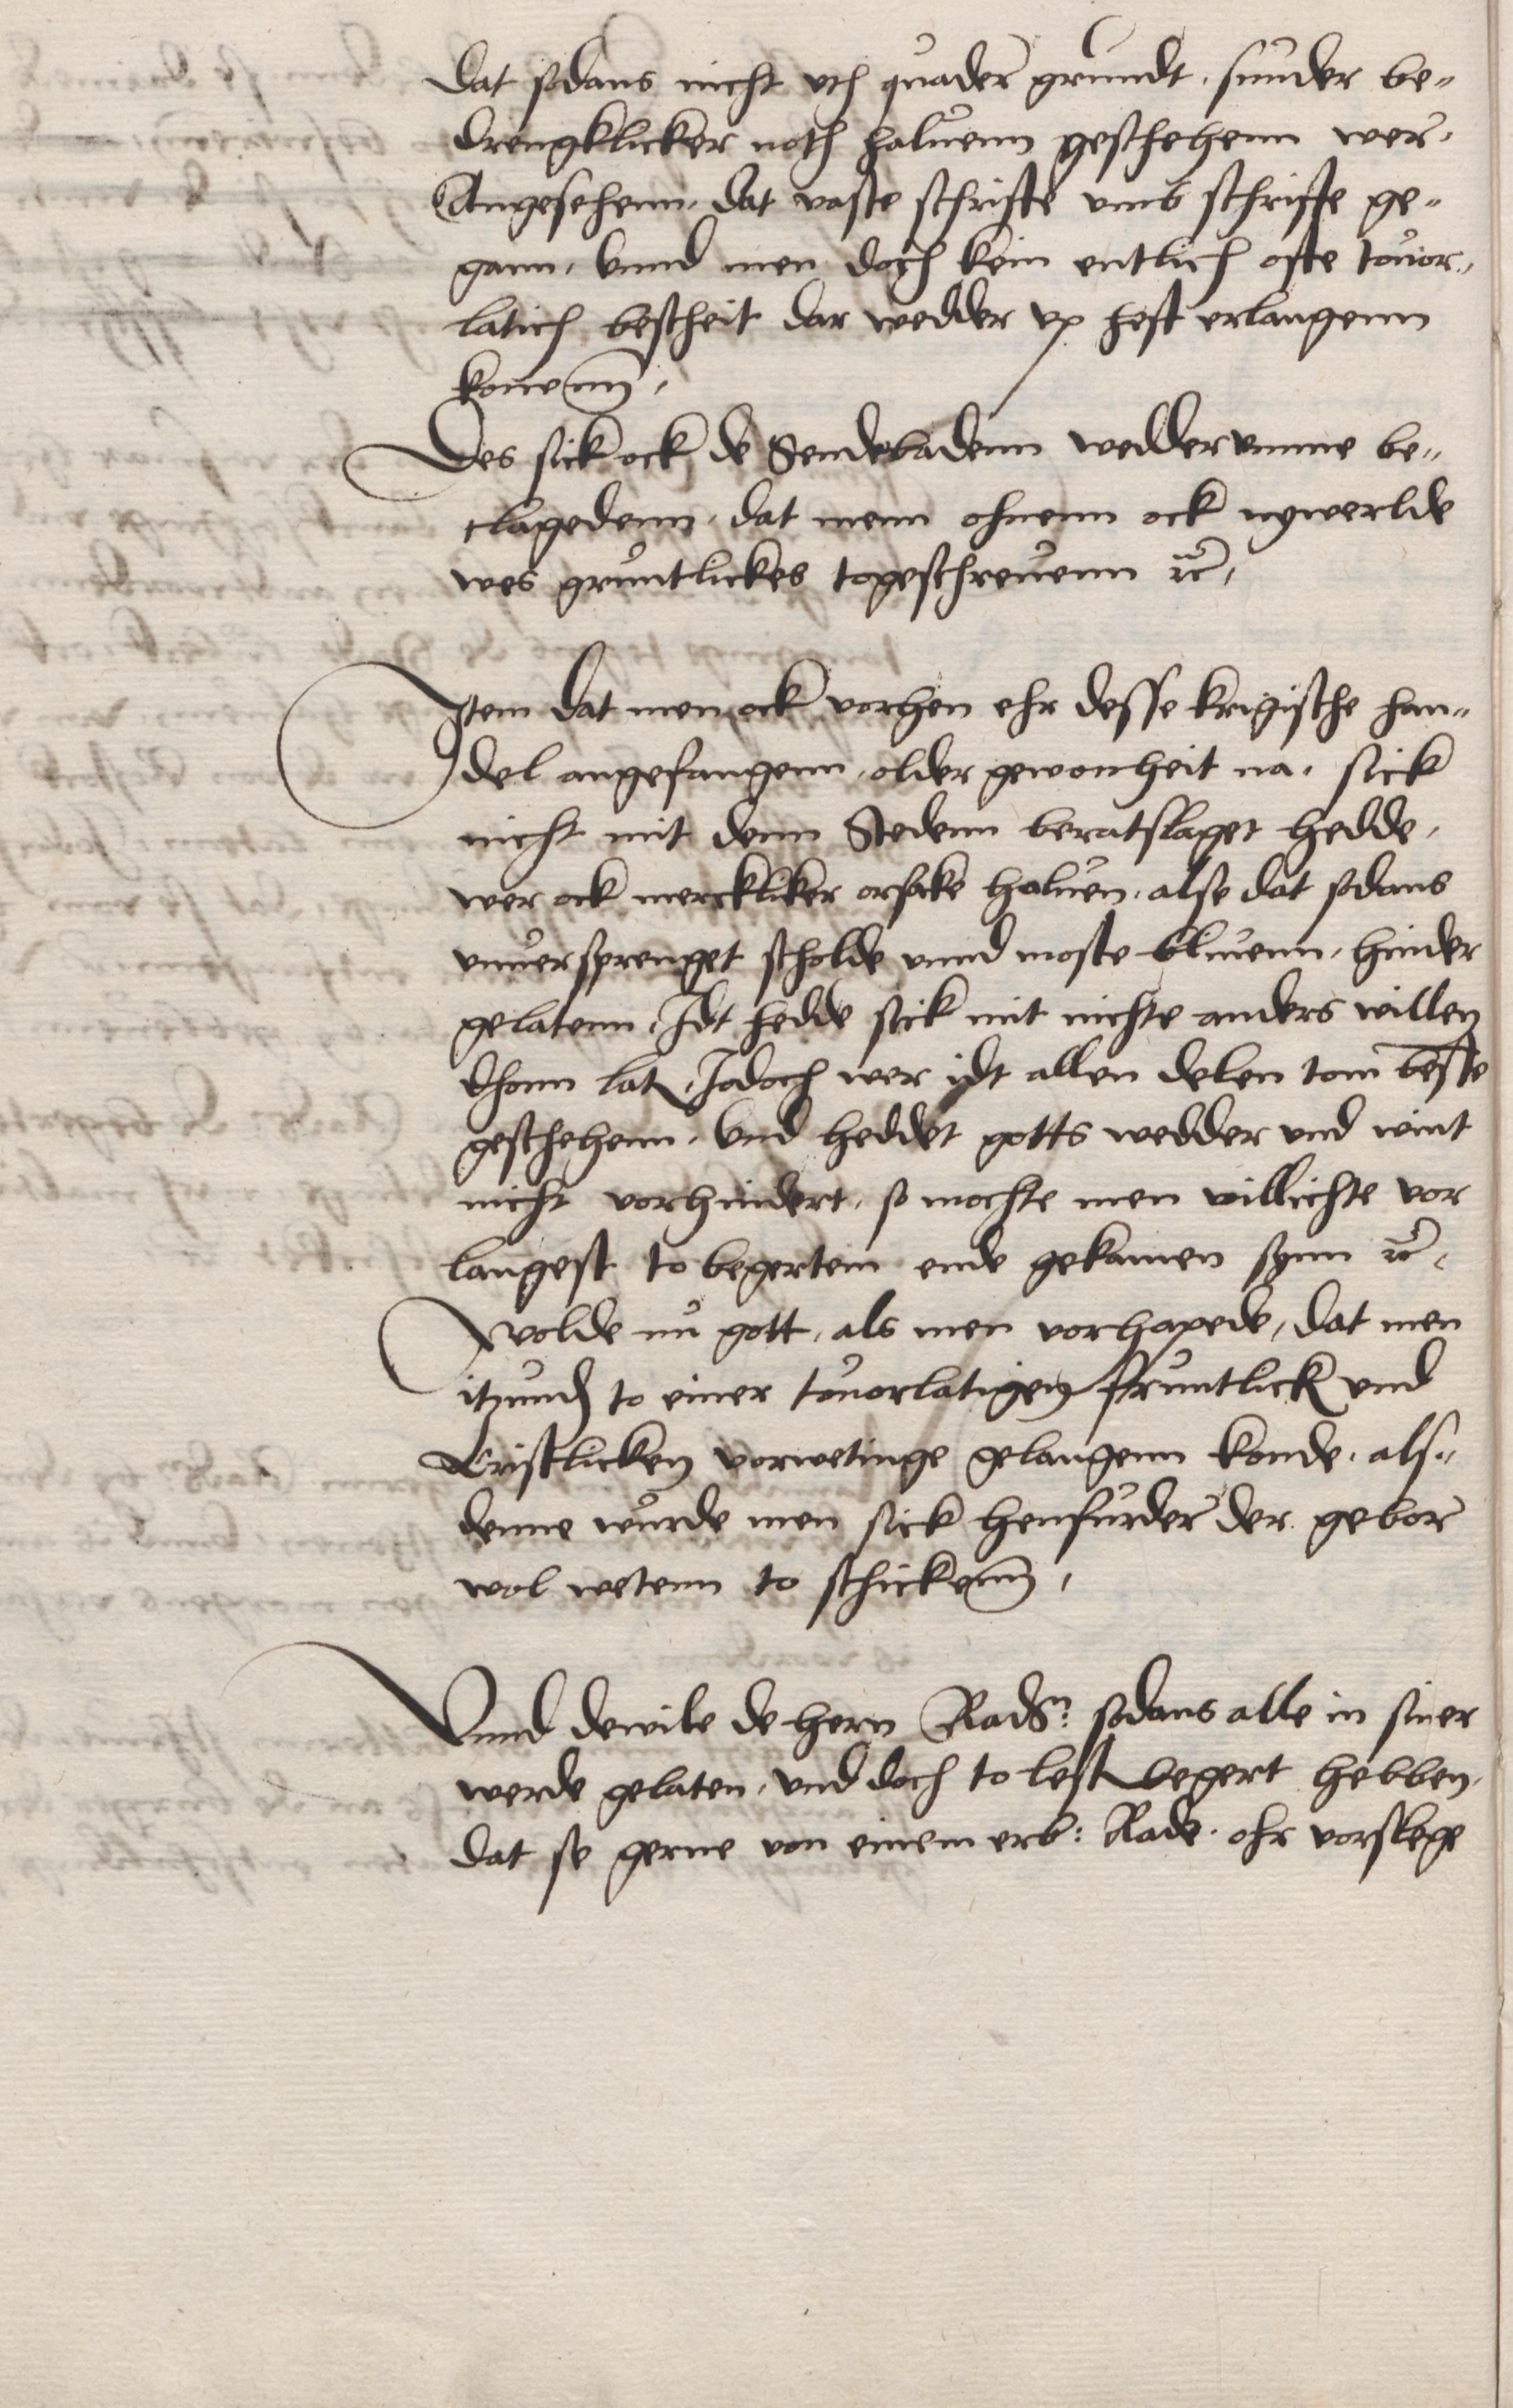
dat sodans nicht vth quader grundt, sunder be¬
drenglicker noth haluen geschehenn wer,
Angesehenn, dat vaste schrifte vms schrifte ge¬
genn, vnnd men doch kein entlich ofte touor¬
latich bescheit dar wedder vp heft erlangenn
konenn,
Des sick ock de Sendebadenn weddervmme be¬
clagedenn, dat menn ohnenn ock nywerlde
wes gruntlickes togeschreuenn etc,
Item dat men ock vorhen ehr desse krigische han¬
del angefangenn, older gewonheit na, sick
nicht mit denn Stedenn beratslaget hedde,
wer ock merklicker orsake haluen, alse dat sodans
vnuersprenget scholde vnnd moste bliuenn, hinder
gelatenn, Idt hedde sick mit nichte anders willen
dhonn laten, Jodoch wer idt allen delen tom besten
geschehenn, vnd heddet gotts wedder vnd wint
nicht vorhindert, so mochte men villichte vor
langest to begertem ende gekamen synn etc,
Wolde nu gott, als men vorhapede, dat men
itzunden to einer touorlatigen fruntlicken vnd
Cristlicken vorwetinge gelangenn konde, als¬
denne wurde men sick henfurder der gebor
wol weten to schickenn,
Vnnd dewile de hern Radessendeboden sodans alle in siner
werde gelaten, vnd doch to lesten begert hebben,
dat se gerne von einem erb: Rade ohr vorslege
